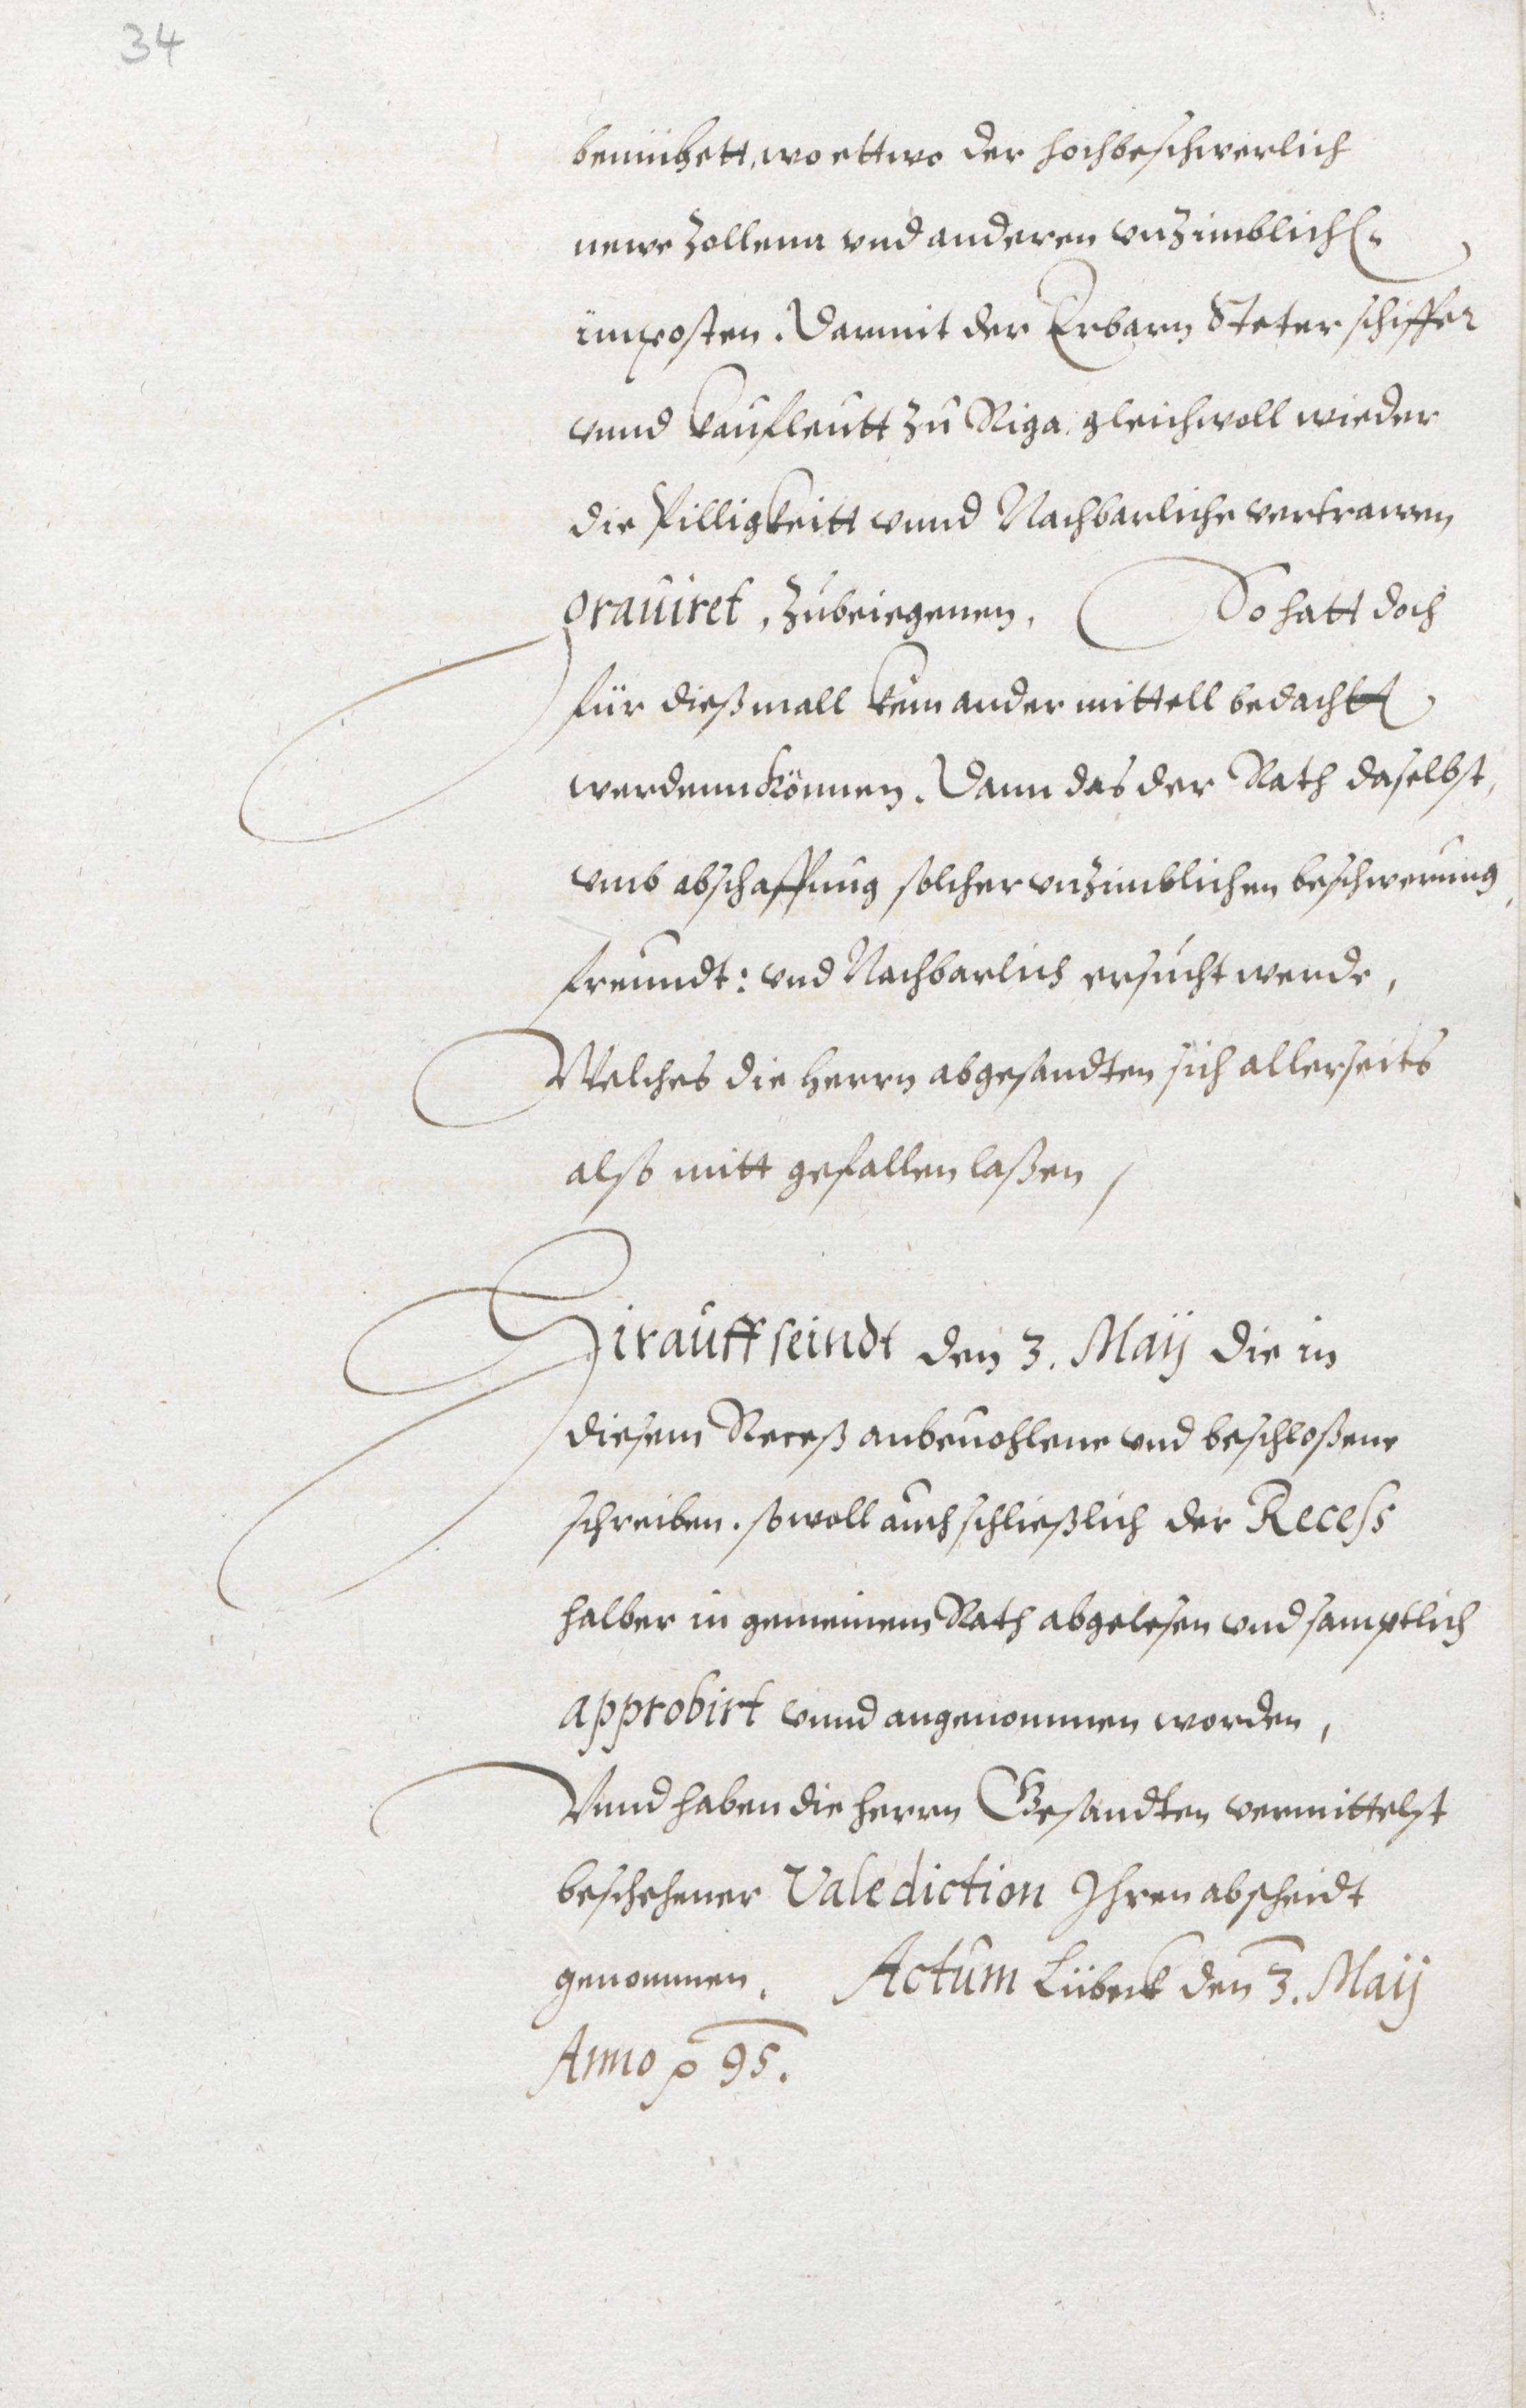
bemühett, wo ettwo der hochbeschwerlich
newe Zollenn vnd anderen vnziemblichen
imposten, darmit der Erbarn Steter schiffer
vnnd kaufleutt zu Riga gleichwoll wieder
die Pilligkeitt vnnd Nachbarliche vertrawen
grauiret, zubeiegenen. So hat doch
für dießmall kein ander mittell bedachtt
werdenn können, dann der Rath daselbst,
vmb abschaffung solcher vnzimblichen beschwerung,
freundt: vnd Nachbarlich ersucht werde,
Welches die herrn abgesandten sich allerseits
alß mitt gefallen lassen,
Hirauff seindt den 3. Maij die in
diesem Receß anbeuohlene vnd beschloßene
schreiben, sowoll auch schließlich der Recess
halber in gemeinem Rath abgelesen vnd samptlich
appribirt vnnd angenommen worden,
vnd haben die herrn Gesandten vermittelst
beschehener Valediction Ihren abschiedt
genommen. Actum Lübeck den 3. Maij
Anno p 95.
